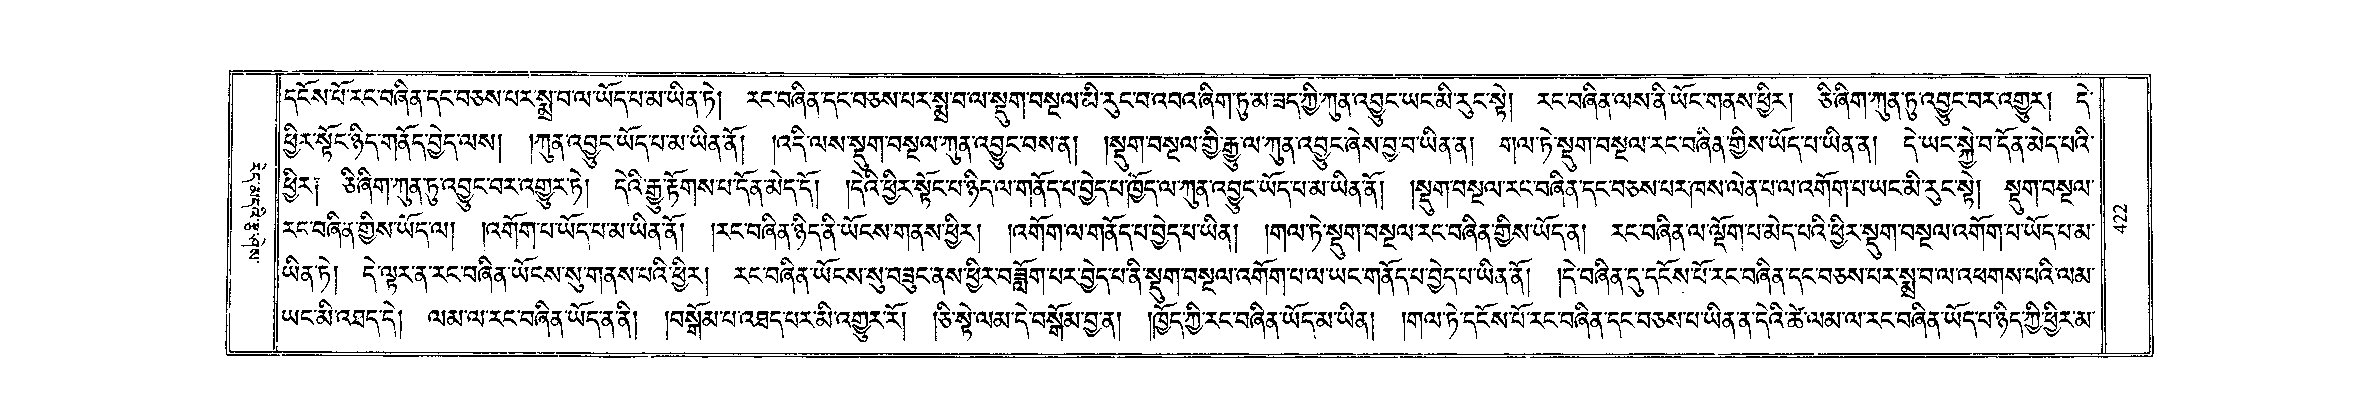དངོས་པོ་རང་བཞིན་དང་བཅས་པར་སྨྲ་བ་ལ་ཡོད་པ་མ་ཡིན་ཏེ། རང་བཞིན་དང་བཅས་པར་སྨྲ་བ་ལ་སྡུག་བསྔལ་མི་རུང་བ་འབའ་ཞིག་ཏུ་མ་ཟད་ཀྱི་ཀུན་འབྱུང་ཡང་མི་རུང་སྟེ། རང་བཞིན་ལས་ནི་ཡོང་གནས་ཕྱིར། ཅི་ཞིག་ཀུན་ཏུ་འབྱུང་བར་འགྱུར། དེ་
ཕྱིར་སྟོང་ཉིད་གནོད་བྱེད་ལས། །ཀུན་འབྱུང་ཡོད་པ་མ་ཡིན་ནོ། །འདི་ལས་སྡུག་བསྔལ་ཀུན་འབྱུང་བས་ན། །སྡུག་བསྔལ་གྱི་རྒྱུ་ལ་ཀུན་འབྱུང་ཞེས་བྱ་བ་ཡིན་ན། གལ་ཏེ་སྡུག་བསྔལ་རང་བཞིན་གྱིས་ཡོད་པ་ཡིན་ན། དེ་ཡང་སྐྱེ་བ་དོན་མེད་པའི་
ཕྱིར༑ ཅི་ཞིག་ཀུན་ཏུ་འབྱུང་བར་འགྱུར་ཏེ། དེའི་རྒྱུ་རྟོགས་པ་དོན་མེད་དོ། །དེའི་ཕྱིར་སྟོང་པ་ཉིད་ལ་གནོད་པ་བྱེད་པ་ཁྱོད་ལ་ཀུན་འབྱུང་ཡོད་པ་མ་ཡིན་ནོ། །སྡུག་བསྔལ་རང་བཞིན་དང་བཅས་པར་ཁས་ལེན་པ་ལ་འགོག་པ་ཡང་མི་རུང་སྟེ། སྡུག་བསྔལ་
རང་བཞིན་གྱིས་ཡོད་ལ། །འགོག་པ་ཡོད་པ་མ་ཡིན་ནོ། །རང་བཞིན་ཉིད་ནི་ཡོངས་གནས་ཕྱིར། །འགོག་ལ་གནོད་པ་བྱེད་པ་ཡིན། །གལ་ཏེ་སྡུག་བསྔལ་རང་བཞིན་གྱིས་ཡོད་ན། རང་བཞིན་ལ་ལྡོག་པ་མེད་པའི་ཕྱིར་སྡུག་བསྔལ་འགོག་པ་ཡོད་པ་མ་
ཡིན་ཏེ། དེ་ལྟར་ན་རང་བཞིན་ཡོངས་སུ་གནས་པའི་ཕྱིར། རང་བཞིན་ཡོངས་སུ་བཟུང་ནས་ཕྱིར་བཟློག་པར་བྱེད་པ་ནི་སྡུག་བསྔལ་འགོག་པ་ལ་ཡང་གནོད་པ་བྱེད་པ་ཡིན་ནོ། །དེ་བཞིན་དུ་དངོས་པོ་རང་བཞིན་དང་བཅས་པར་སྨྲ་བ་ལ་འཕགས་པའི་ལམ་
ཡང་མི་འཐད་དེ། ལམ་ལ་རང་བཞིན་ཡོད་ན་ནི། །བསྒོམ་པ་འཐད་པར་མི་འགྱུར་རོ། །ཅི་སྟེ་ལམ་དེ་བསྒོམ་བྱ་ན། །ཁྱོད་ཀྱི་རང་བཞིན་ཡོད་མ་ཡིན། །གལ་ཏེ་དངོས་པོ་རང་བཞིན་དང་བཅས་པ་ཡིན་ན་དེའི་ཚེ་ལམ་ལ་རང་བཞིན་ཡོད་པ་ཉིད་ཀྱི་ཕྱིར་མ་